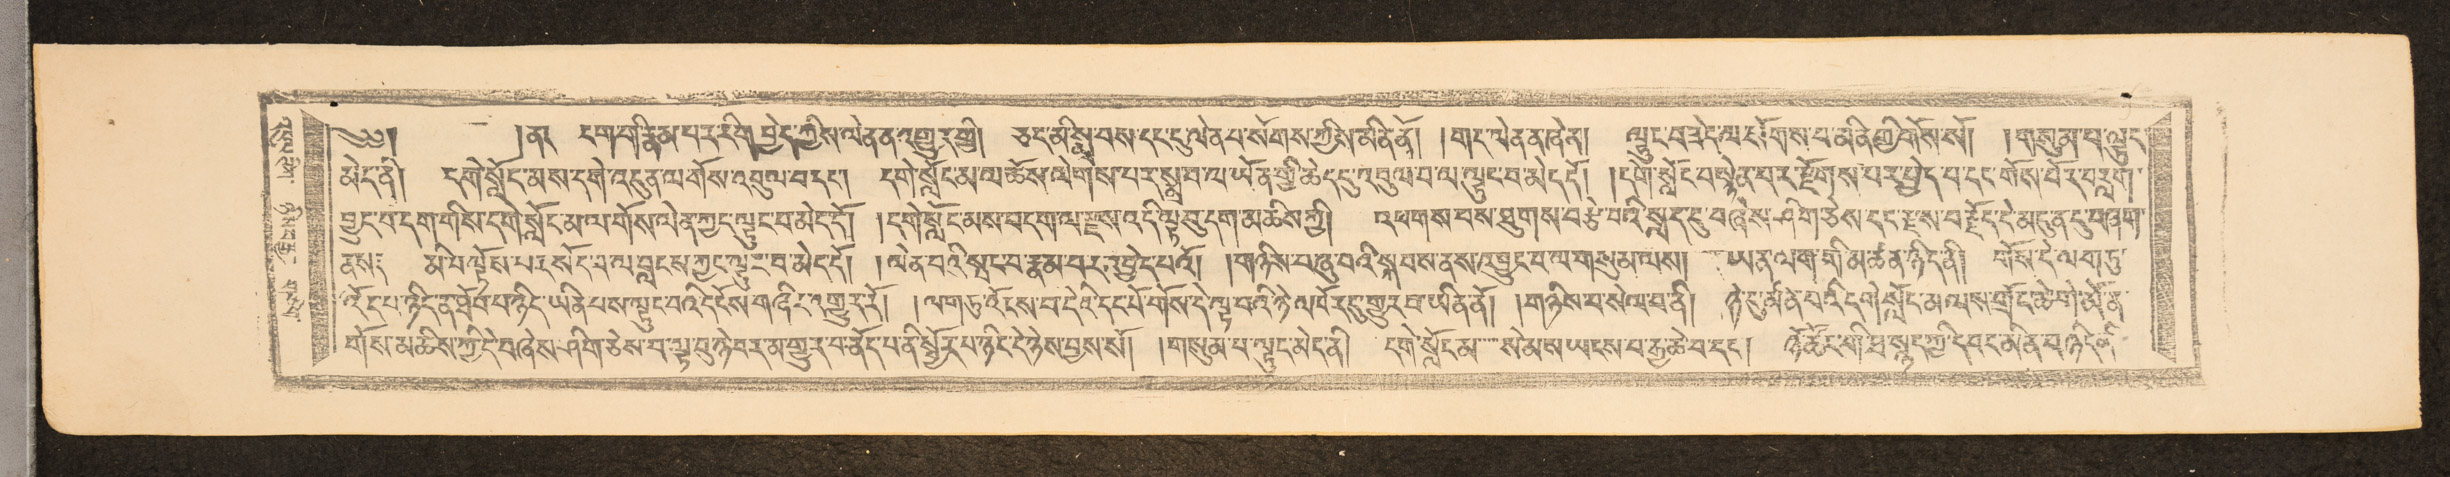༄༅། །ན༑ དག་གི་རྣམ་པར་རིག་བྱེད་ཀྱིས་ལེན་ན་འགྱུར་གྱི། ཅང་མི་སྨྲ་བས་དང་དུ་ལེན་པ་སོགས་ཀྱིས་མིན་ནོ། །གང་ལེན་ན་ཞེ་ན། ལྷུང་བཟེད་ལ་སོགས་པ་མིན་གྱི་གོས་སོ། །གསུམ་པ་ལྟུང་
མེད་ནི། དགེ་སློང་མས་དགེ་འདུན་ལ་གོས་འབུལ་བ་དང་། དགེ་སློང་མ་ལ་ཆོས་ལེགས་པར་སྨྲ་བ་ལ་ཡོན་གྱི་ཆེད་དུ་འབུལ་བ་ལ་ལྟུང་བ་མེད་དོ། །དགེ་སློང་བསྙེན་པར་རྫོགས་པར་བྱེད་པ་དང་གོས་བོར་བརླག་
བྱུང་བ་དག་གིས་དགེ་སློང་མ་ལ་གོས་ལེན་ཀྱང་ལྟུང་བ་མེད་དོ། །དགེ་སློང་མས་བདག་ལ་རྫས་འདི་ལྟ་བུ་དག་མཆིས་ཀྱི། འཕགས་པས་ཐུགས་བརྩེ་བའི་སླད་དུ་བཞེས་ཤིག་ཅེས་དང་རྫས་བརྗོད་དེ་མདུན་དུ་བཞག་
ནས༑ མི་བལྟོས་པར་སོང་བ་ལ་བླངས་ཀྱང་ལྟུང་བ་མེད་དོ། །ལེན་པའི་སྤང་པ་རྣམ་པར་འབྱེད་པའོ། །གཉིས་པ་ཞུ་བའི་སྐབས་ནས་འབྱུང་བ་ལ་གསུམ་ལས། ཡན་ལག་གི་མཚན་ཉིད་ནི། གོས་དེ་ལག་ཏུ་
འོང་པ་ཉིད་ན་ཐོབ་པ་ཉིད་ཡིན་པས་ལྟུང་པའི་དངོས་གཞིར་འགྱུར་རོ། །ལག་ཏུ་འོངས་པ་དེའི་དང་བགས་ད་ལྟ་བའི་ཉེ་འཁོར་དུ་གྱུར་བ་ཡིན་ནོ། །གཉིས་པ་སེལ་བ་ནི། ཉེ་དུ་མིན་པའི་དགེ་སློང་མ་ལས་གྲོད་ཆེ་གེ་མོན་
གོས་མཆིས་ཀྱི་དེ་བཞེས་ཤིག་ཅེས་པ་ལྟ་བུ་ཉེ་བར་མ་གྱུར་པ་ནོད་པ་ནི་སྦྱོར་བ་ཉིད་དེ་ཉེས་བྱས་སོ། །གསུམ་པ་ལྟུང་མེད་ནི། དགེ་སློང་མ་སེམས་ཡངས་པ་རྒྱ་ཆེ་བ་དང་། ཉོ་ཚོང་གི་ཐ་སྙད་ཀྱི་དབང་མིན་པ་ཉིད་ནི་